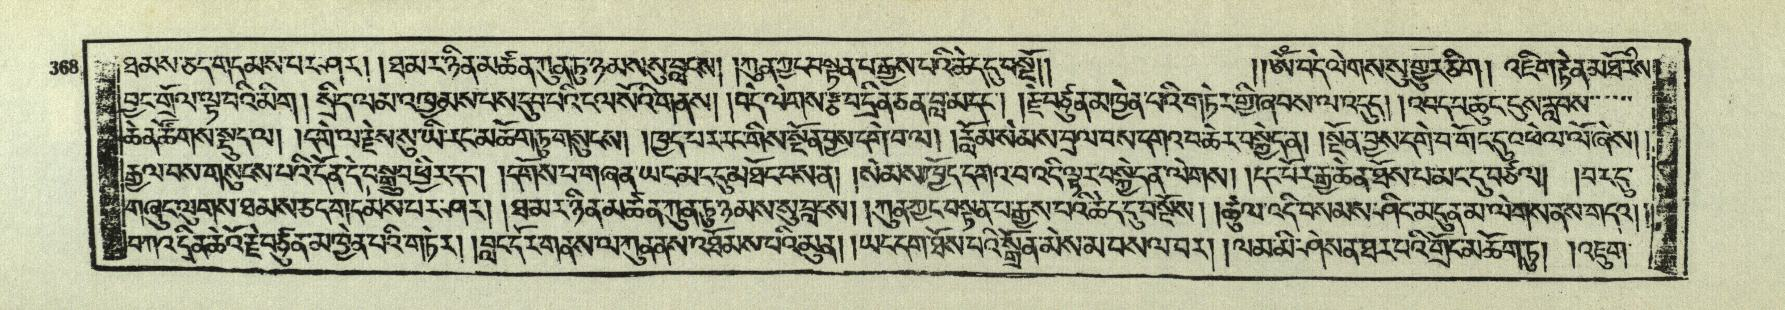ཐམས་ཅད་གདམས་པར་ཤར། །ཐ་མར་ཉིན་མཚན་ཀུན་ཏུ་ཉམས་སུ་བླངས། །ཀུན་ཀྱང་བསྟན་པ་རྒྱས་པའི་ཆེད་དུ་བསྔོ།། །།ཨོཾ་བདེ་ལེགས་སུ་གྱུར་ཅིག །འཇིག་རྟེན་མཐོ་རིས་
བྱང་གྲོལ་ལྟ་བའི་མིག །སྲིད་ལམ་འཁྱམས་པས་དུབ་པའི་ངལ་སོའི་གནས། །བདེ་ལེགས་རྩ་བ་དྲིན་ཅན་བླ་མ་དང་། །རྗེ་བཙུན་མཁྱེན་པའི་གཏེར་གྱི་ཞབས་ལ་འདུད། །འབད་པ་ཆུང་དུས་རླབས་
ཆེན་ཚོགས་སྡུད་ལ། །དགེ་ལ་རྗེས་སུ་ཡི་རང་མཆོག་ཏུ་གསུངས། །ཁྱད་པར་རང་གིས་སྔོན་བྱས་དགེ་བ་ལ། །རློམ་སེམས་བྲལ་བས་དགའ་བ་ཆེར་བསྐྱེད་ན། །སྔོན་བྱས་དགེ་བ་གོང་དུ་འཕེལ་ལོ་ཞེས། །
རྒྱལ་བས་གསུངས་པའི་དོན་དེ་བསྒྲུབ་ཕྱིར་དང་། །དགོས་པ་གཞན་ཡང་མང་དུ་མཐོང་བས་ན། །སེམས་ཁྱོད་དགའ་བ་འདི་ལྟར་བསྐྱེད་ན་ལེགས། །དང་པོར་རྒྱ་ཆེན་ཐོས་པ་མང་དུ་བཙལ། །བར་དུ་
གཞུང་ལུགས་ཐམས་ཅད་གདམས་པར་ཤར། །ཐ་མར་ཉིན་མཚན་ཀུན་ཏུ་ཉམས་སུ་བླངས། །ཀུན་ཀྱང་བསྟན་པ་རྒྱས་པའི་ཆེད་དུ་བསྔོས། །ཚུལ་འདི་བསམས་ཤིང་མདུན་མ་ལེགས་ནས་གདའ། །
བཀའ་དྲིན་ཆེའོ་རྗེ་བཙུན་མཁྱེན་པའི་གཏེར། །བླང་དོར་གནས་ལ་ཀུན་ནས་འཐོམས་པའི་མུན། །ཡང་དག་ཐོས་པའི་སྒྲོན་མེས་མ་བསལ་བར། །ལམ་མི་ཤེས་ན་ཐར་པའི་གྲོང་མཆོག་ཏུ། །འཇུག་